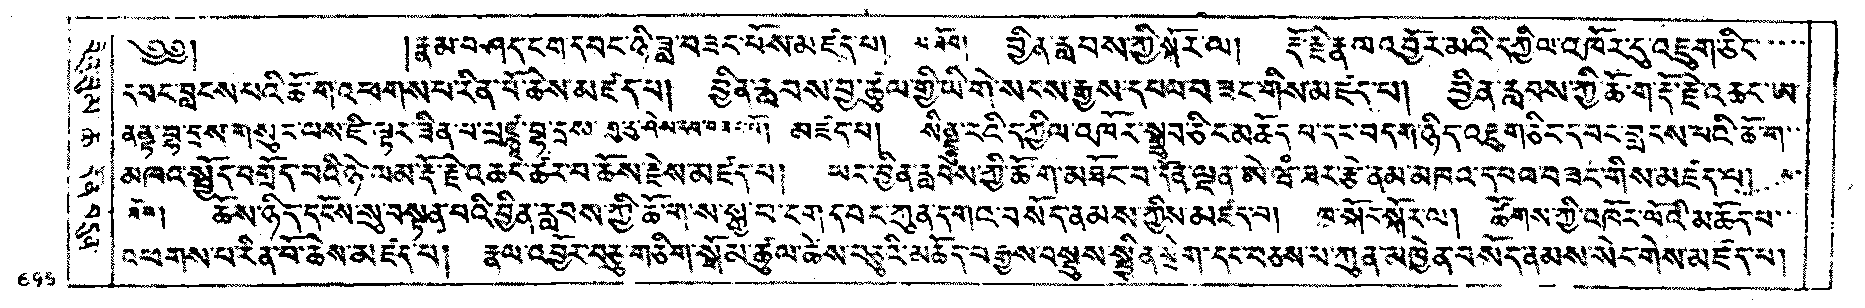༄༅། །རྣམ་བཤད་ངག་དབང་ཉི་ཟླ་བཟང་པོས་མཛད་པ། མ་ཐོབ།  བྱིན་རླབས་ཀྱི་སྐོར་ལ། རྡོ་རྗེ་རྣལ་འབྱོར་མའི་དཀྱིལ་འཁོར་དུ་འཇུག་ཅིང་
དབང་བླངས་པའི་ཆོ་ག་འཕགས་པ་རིན་པོ་ཆེས་མཛད་པ། བྱིན་རླབས་བྱ་ཚུལ་གྱི་ཡི་གེ་སངས་རྒྱས་དཔལ་བཟང་གིས་མཛད་པ། བྱིན་རླབས་ཀྱི་ཆོ་ག་རྡོ་རྗེ་འཆང་ཨ་
ནནྟ་བྷ་དྲས་གསུང་ལས་ཇི་ལྟར་ཟིན་པ་པྲཛྙཱ་བྷ་དྲས་གུ་རུ་ཤེས་རབ་བཟང་པོ།  མཛད་པ། སིནྡྷུ་རའི་དཀྱིལ་འཁོར་སྒྲུབ་ཅིང་མཆོད་པ་དང་བདག་ཉིད་འཇུག་ཅིང་དབང་བླངས་པའི་ཆོ་ག་
མཁའ་སྤྱོད་བགྲོད་པའི་ཉེ་ལམ་རྡོ་རྗེ་འཆང་ཚར་པ་ཆོས་རྗེས་མཛད་པ། ཡང་བྱིན་རླབས་ཀྱི་ཆོ་ག་མཐོང་བ་དོན་ལྡན་ཨེ་ཝཾ་ཐར་རྩེ་ནམ་མཁའ་དཔལ་བཟང་གིས་མཛད་པ། མ་
ཐོབ། ཆོས་ཉིད་དངོས་སུ་བསྟན་པའི་བྱིན་རླབས་ཀྱི་ཆོ་ག་ས་སྐྱ་པ་ངག་དབང་ཀུན་དགའ་བསོད་ནམས་ཀྱིས་མཛད་པ། ཁ་སྐོང་སྐོར་ལ། ཚོགས་ཀྱི་འཁོར་ལོའི་མཆོད་པ་
འཕགས་པ་རིན་པོ་ཆེས་མཛད་པ། རྣལ་འབྱོར་བཅུ་གཅིག་སྒོམ་ཚུལ་ཚེས་བཅུའི་མཆོད་པ་རྒྱས་བསྡུས་སྦྱིན་སྲེག་དང་བཅས་པ་ཀུན་མཁྱེན་བསོད་ནམས་སེང་གེས་མཛད་པ།